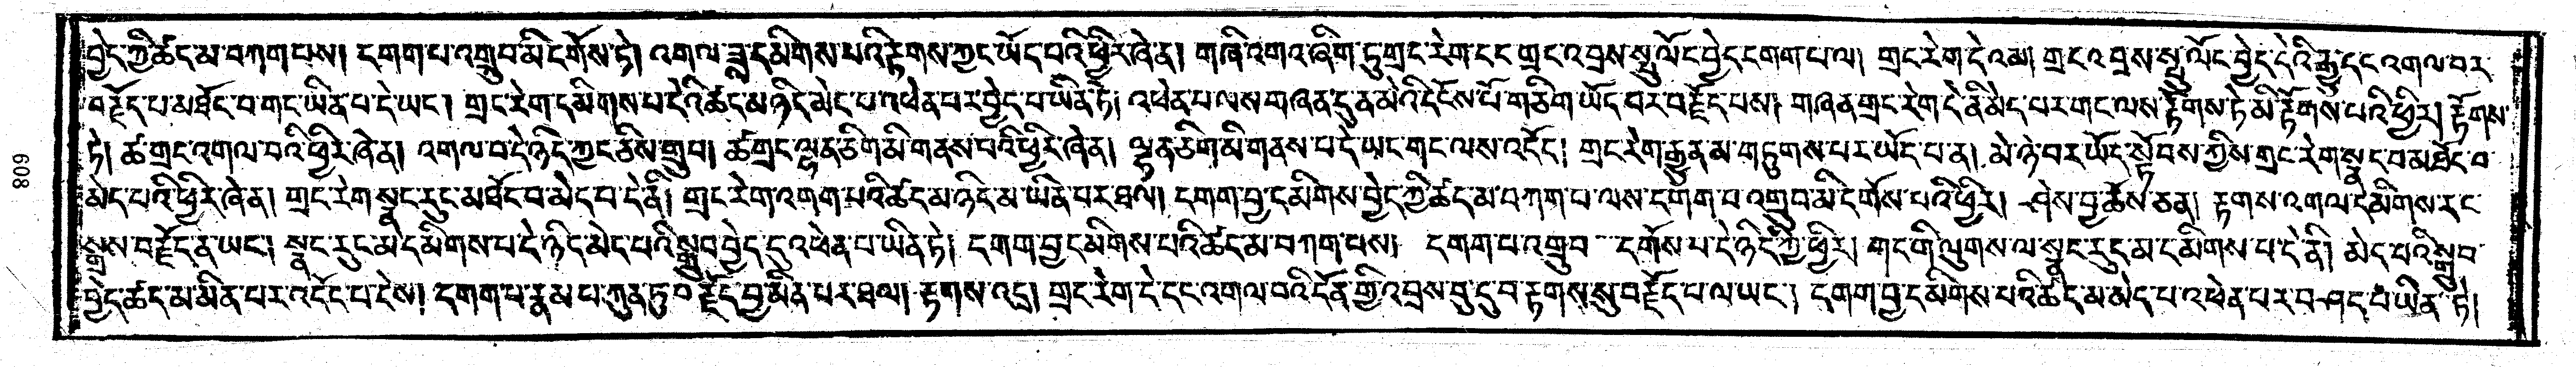བྱེད་ཀྱི་ཚད་མ་བཀག་པས། དགག་པ་འགྲུབ་མི་དགོས་ཏེ། འགལ་ཟླ་དམིགས་པའི་རྟགས་ཀྱང་ཡོད་པའི་ཕྱིར་ཞེ་ན། གཞི་འགའ་ཞིག་ཏུ་གྲང་རེག་ངང་གྲང་འབྲས་སྤུ་ལོང་བྱེད་དགག་པ་ལ། གྲང་རེག་དེའམ། གྲང་འབྲས་སྤུ་ལོང་བྱེད་དེའི་རྒྱུ་དང་འགལ་བར་
བརྗོད་པ་མཐོང་བ་གང་ཡིན་པ་དེ་ཡང་། གྲང་རེག་དམིགས་པ་དེའི་ཚད་མ་ཉིད་མེད་པ་འཕེན་པར་བྱེད་པ་ཡིན་ཏེ། འཕེན་པ་ལས་གཞན་དུ་ན་མེའི་དངོས་པོ་གཅིག་ཡོད་པར་བརྗོད་པས། གཞན་གྲང་རེག་དེ་ནི་མེད་པར་གང་ལས་རྟོགས་ཏེ་མི་རྟོགས་པའི་ཕྱིར། རྟོགས་
ཏེ། ཚ་གྲང་འགལ་བའི་ཕྱིར་ཞེ་ན། འགལ་བ་དེ་ཉིད་ཀྱང་ཅིས་གྲུབ། ཚ་གྲང་ལྷན་ཅིག་མི་གནས་པའི་ཕྱིར་ཞེ་ན། ལྷན་ཅིག་མི་གནས་པ་དེ་ཡང་གང་ལས་འདོད། གྲང་རེག་རྒྱུན་མ་གཏུགས་པར་ཡོད་པ་ན། མེ་ཉེ་བར་ཡོད་སྟོབས་ཀྱིས་གྲང་རེག་སྣང་བ་མཐོང་བ་
མེད་པའི་ཕྱིར་ཞེ་ན། གྲང་རེག་སྣང་རུང་མཐོང་བ་མེད་པ་དེ་ནི། གྲང་རེག་འགག་པའི་ཚད་མ་ཉིད་མ་ཡིན་པར་ཐལ། དགག་བྱ་དམིགས་བྱེད་ཀྱི་ཚད་མ་བཀག་པ་ལས་དགག་བ་འགྲུབ་མི་དགོས་པའི་ཕྱིར། ཤེས་བྱ་ཆོས་ཅན། རྟགས་འགལ་དམིགས་རང་
སྒྲས་བརྗོད་ན་ཡང་། སྣང་རུང་མི་དམིགས་པ་དེ་ཉིད་མེད་པའི་སྒྲུབ་བྱེད་དུ་འཕེན་པ་ཡིན་ཏེ། དགག་བྱ་དམིགས་པའི་ཚང་མ་བཀག་པས། དགག་པ་འགྲུབ་དགོས་པ་དེ་ཉིད་ཀྱི་ཕྱིར། གང་གི་ལུགས་ལ་སྣང་རུང་མ་དམིགས་པ་དེ་ནི། མེད་པའི་སྒྲུབ་
བྱེད་ཚད་མ་མིན་པར་འདོད་པ་དེས། དགག་པ་རྣམ་པ་ཀུན་ཏུ་བརྗོད་བྱ་མིན་པར་ཐལ། རྟགས་འདྲ། གྲང་རེག་དེ་དང་འགལ་བའི་དོན་གྱི་འབྲས་བུ་དུ་བ་རྟགས་སུ་བརྗོད་པ་ལ་ཡང་། དགག་བྱ་དམིགས་པའི་ཚད་མ་མེད་པ་འཕེན་པར་བཤད་པ་ཡིན་ཏེ།